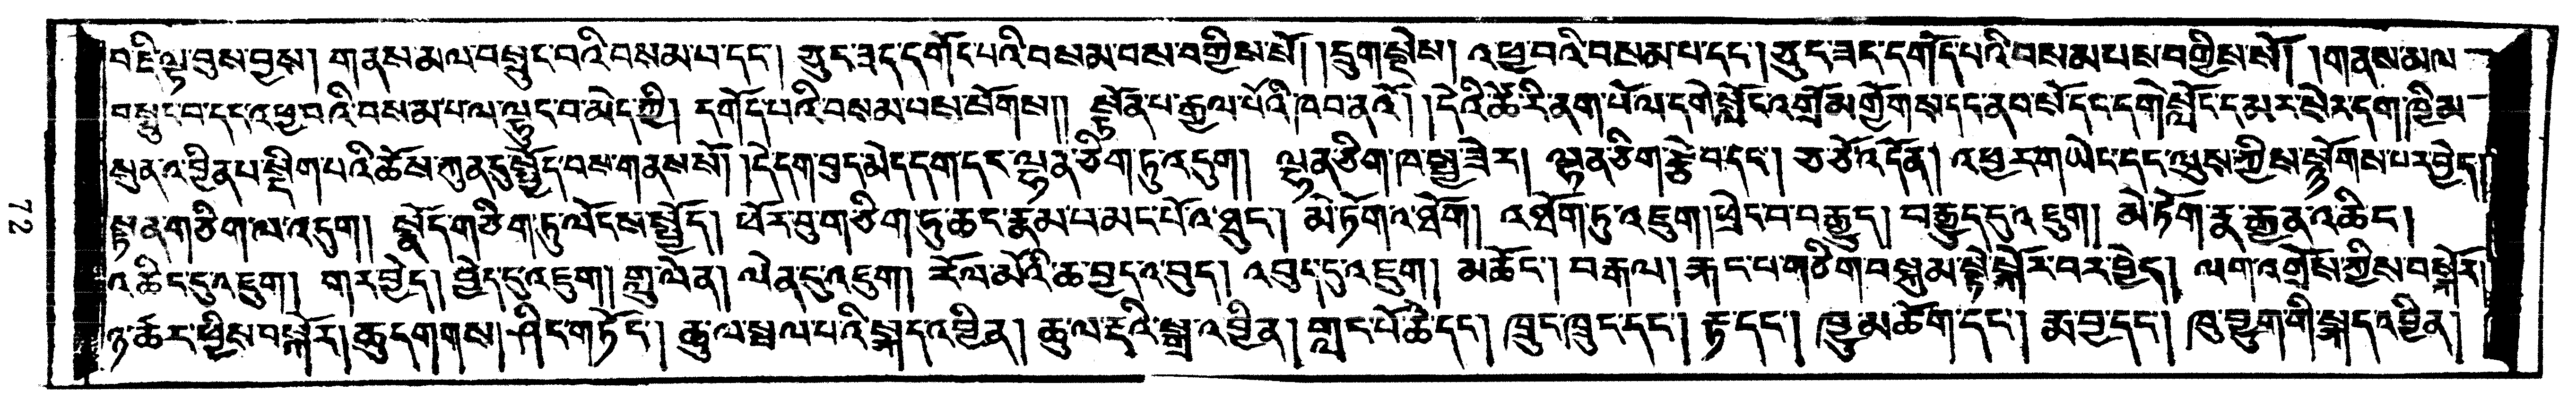བ་ཇི་ལྟ་བུས་བྱས། གནས་མལ་བསྲུང་བའི་བསམ་པ་དང་། ཅུང་ཟད་དགོང་པའི་བསམ་པས་བགྱིས་སོ། །དྲུག་སྡེས། འཕྱ་བའི་བསམ་པ་དང་། ཅུང་ཟད་དགོད་པའི་བསམ་པས་བགྱིས་སོ། །གནས་མལ་
བསྲུང་བ་དང་འཕྱ་བའི་བསམ་པ་ལ་ལྟུང་བ་མེད་ཀྱི། དགོད་པའི་བསམ་པས་སོགས།། སྟོན་པ་རྒྱལ་པོའི་ཁབ་ནའོ། །དེའི་ཚེ་རི་ནག་པོ་ལ་དགེ་སློང་འགྲོ་མགྱོགས་དང་ནབ་སོ་དང་དགེ་སློང་དམར་སེར་དག་ཁྱིམ་
སུན་འབྱིན་པ་སྡིག་པའི་ཆོས་ཀུན་དུ་སྤྱོད་པས་གནས་སོ། །དེ་དག་བུད་མེད་དག་དང་ལྷན་ཅིག་ཏུ་འདུག། ལྷན་ཅིག་ཁ་སྤྱ་ཟེར། ལྷན་ཅིག་རྩེ་བ་དང་། ཅ་ཅོ་འདོན། འཕྱར་གཡེང་དང་ལུས་ཀྱིས་སྙོགས་པར་བྱེད།
སྟན་གཅིག་ལ་འདུག། སྣོད་གཅིག་ཏུ་ལོངས་སྤྱོད། ཕོར་བུ་གཅིག་ཏུ་ཆང་རྣམ་པ་མང་པོ་འཐུང་། མེ་ཏོག་འཐོག། འཐོག་ཏུ་འཇུག། ཕྲེང་བ་བརྒྱུད། བརྒྱུད་དུ་འཇུག། མེ་ཏོག་རྣ་རྒྱན་འཆིང་།
འཆིང་དུ་འཇུག། གར་བྱེད། བྱེད་དུ་འཇུག། གླུ་ལེན། ལེན་དུ་འཇུག། རོལ་མོའི་ཆ་བྱད་འབུད། འབུད་དུ་འཇུག། མཆོང་། བརྒལ། རྐང་པ་གཅིག་བསྐུམ་སྟེ་སྐོར་བར་བྱེད། ལག་འགྲོས་ཀྱིས་བསྐོར།
ཉ་ཚར་ཕྱིས་བསྐོར། ཆུ་དགགས། ཤིང་གཏོང་། ཆུ་ལ་སྦལ་པའི་སྐད་འབྱིན། ཆུ་ལ་རྡའི་སྒྲ་འབྱིན། གླང་པོ་ཆེ་དང་། ཁྲུང་ཁྲུང་དང་། རྟ་དང་། ཁྱུ་མཆོག་དང་། རྨ་བྱ་དང་། ཁུ་བྱུག་གི་སྐད་འབྱིན་